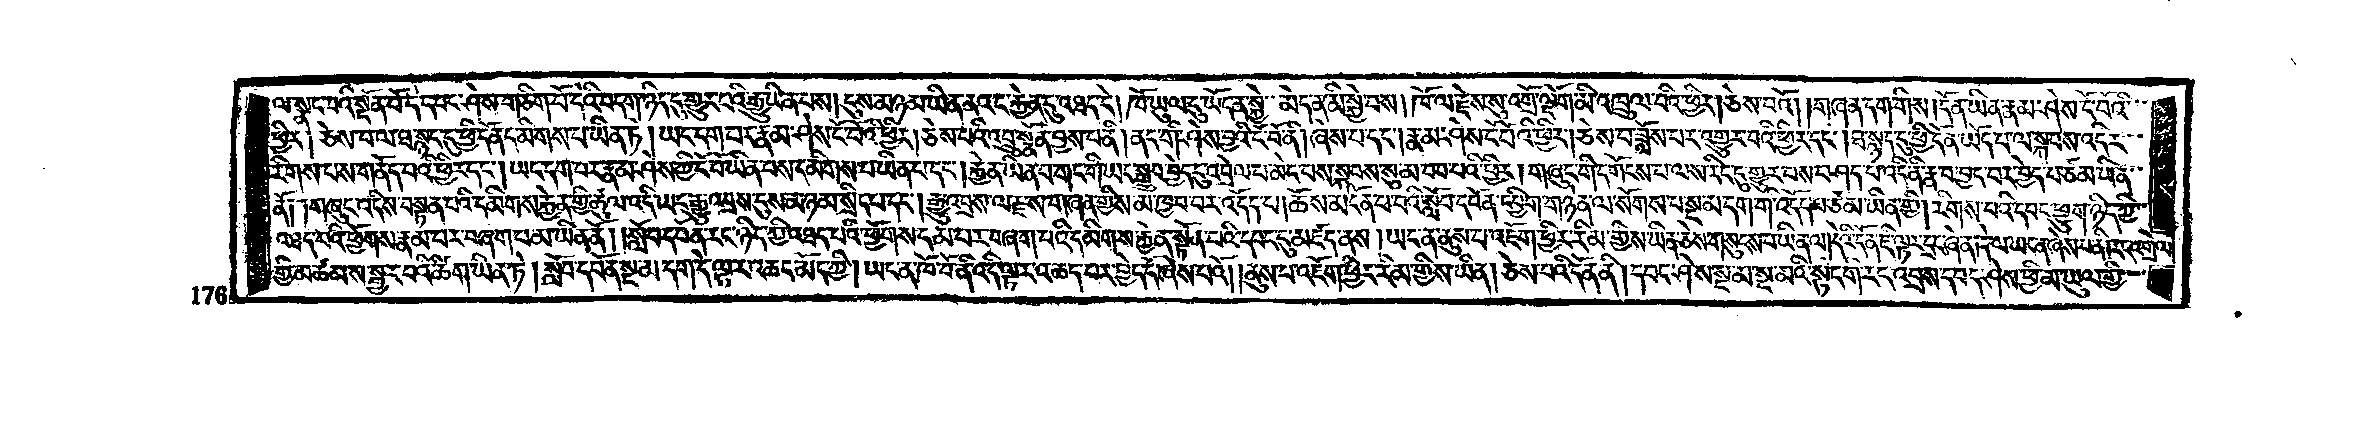ལ་སྣང་བའི་སྔོན་པོ་དེ་དབང་ཤེས་གཅིག་པོ་དེའི་བདག་ཉིད་དུ་གྱུར་པའི་རྒྱུ་ཡིན་པས། དུས་མཉམ་ཡིན་ནའང་རྐྱེན་དུ་འཐད་དེ། ཁོ་ཡུལ་དུ་ཡོད་ན་སྐྱེ་མེད་ན་མི་སྐྱེ་བས། ཁོ་ལ་རྗེས་སུ་འགྲོ་ལྡོག་མི་འཁྲུལ་བའི་ཕྱིར། ཅེས་པའོ། །གཞན་དག་གིས། དོན་ཡིན་རྣམ་ཤེས་ངོ་བོའི་
ཕྱིར༑ ཅེས་པ་ལ་ཐ་སྙད་དུ་ཕྱི་དོན་དམིགས་པ་ཡིན་ཏེ། ཡང་དག་པར་རྣམ་ཤེས་ངོ་བོའི་ཕྱིར། ཅེས་པའི་འབྲུ་སྣོན་བྱས་པ་ནི། ནང་གི་ཤེས་བྱའི་ངོ་བོ་ནི། ཞེས་པ་དང་། རྣམ་ཤེས་ངོ་བོའི་ཕྱིར། ཅེས་པ་ཟློས་པར་འགྱུར་བའི་ཕྱིར་དང་། ཐ་སྙད་དུ་ཕྱི་དོན་ཡོད་པ་ལ་སྐབས་འདིར་
རིགས་པས་གནོད་པའི་ཕྱིར་དང་། ཡང་དག་པར་རྣམ་ཤེས་ཀྱི་ངོ་བོ་ཡིན་པས་དམིགས་པ་ཡིན་པ་དང་། རྐྱེན་ཡིན་པ་གང་གི་ཡང་སྒྲུབ་བྱེད་དུ་འབྲེལ་པ་མེད་པས་སྐབས་སུ་མ་བབ་པའི་ཕྱིར། གཞུང་གི་དགོངས་པ་ལས་རིང་དུ་གྱུར་པས་བཤད་པ་འདི་ནི་རྣ་བ་བྱད་པར་བྱེད་པ་ཙམ་ཡིན་
ནོ༑ ༑གཞུང་འདིས་བསྟན་པའི་དམིགས་རྐྱེན་གྱི་ཚུལ་འདི་ཡང་རྒྱུ་འབྲས་དུས་མཉམ་སྲིད་པ་དང་། རྒྱུ་འབྲས་ལ་རྫས་གཞན་གྱིས་མ་ཁྱབ་པར་འདོད་པ། ཆོས་མངོན་པ་བའི་སློབ་དཔོན་དབྱིག་གཉེན་ལ་སོགས་པ་སྔ་མ་དག་གི་འདོད་པ་ཙམ་ཡིན་གྱི། རིགས་པའི་དབང་ཕྱུག་ཉིད་ཀྱི་
འཐད་པའི་ཕྱོགས་རྣམ་པར་བཞག་པ་མ་ཡིན་ནོ། །སློབ་དཔོན་རང་ཉིད་ཀྱི་འཐད་པའི་ཕྱོགས་དམ་པར་བཞག་པའི་དམིགས་རྐྱེན་སྟོན་པའི་དབང་དུ་མཛད་ནས། ཡང་ན་ནུས་པ་འཇོག་ཕྱིར་རིམ་གྱིས་ཡིན་ཅེས་གསུངས་པ་ཡིན་ལ། དེའི་དོན་ཇི་ལྟར་དྲང་ཞེ་ན། དེ་ལ་ཡང་ན་ཞེས་པ་ནི། རང་འགྲེལ་
གྱི་མཚམས་སྦྱར་བའི་ཚིག་ཡིན་ཏེ། སློབ་དཔོན་སྔ་མ་དག་དེ་ལྟར་འཆད་མོད་ཀྱི། ཡང་ན་ཁོ་བོ་ནི་འདི་ལྟར་འཆད་པར་བྱེད་དོ་ཞེས་པའོ། །ནུས་པ་འཇོག་ཕྱིར་རིམ་གྱིས་ཡིན། ཅེས་པའི་དོན་ནི། དབང་ཤེས་སྔ་མ་སྔ་མའི་སྟེང་གི་རང་འབྲས་དབང་ཤེས་ཕྱི་མ་ཡུལ་གྱི་